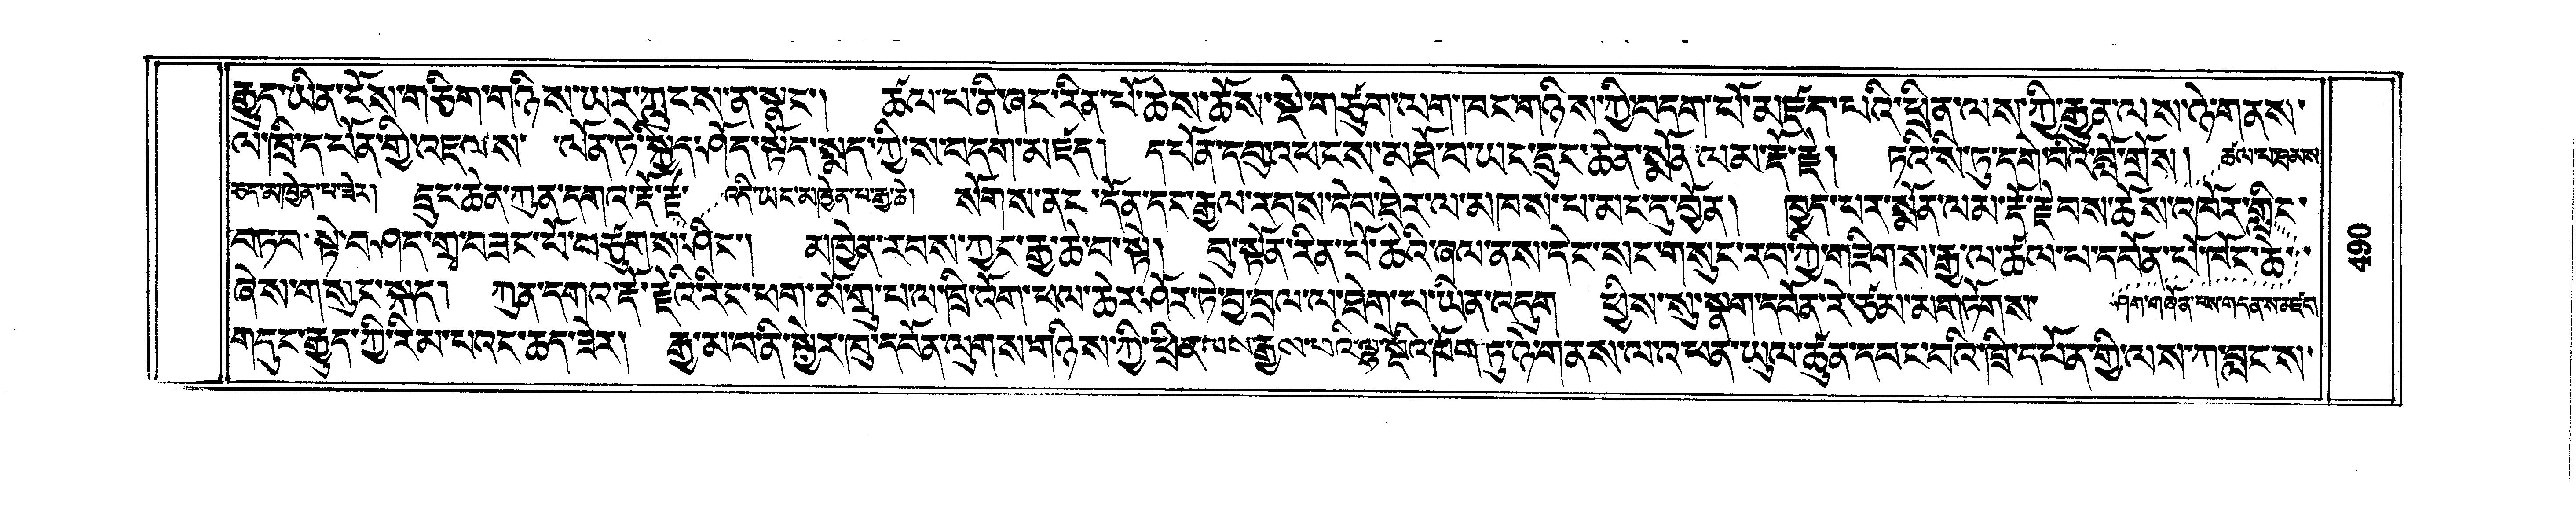རྒྱུད་ཡིན་ངོས་གཅིག་གཉིས་ཡར་ཀླུངས་ན་སྣང་། ཚལ་པ་ནི་ཞང་རིན་པོ་ཆེས་ཆོས་སྡེ་གཙུག་ལག་ཁང་གཉིས་ཀྱི་བདག་པོ་མཛད་པའི་ཕྲིན་ལས་ཀྱི་རྒྱུན་ལས་ཉེ་གནས་
ལ་ཁྲི་དཔོན་གྱི་འཇལ་ས་ལོན་ཏེ་སྐྱིད་ཤོད་སྟོད་སྨད་ཀྱི་ས་བདག་མཛད། དཔོན་དབུ་འཕངས་མཐོ་བ་ཡང་དྲུང་ཆེན་སྨོན་ལམ་རྡོ་རྗེ། ཏའི་སི་ཏུ་དགེ་བའི་བློ་གྲོས། ཚལ་པ་ཐམས
ཅད་མཁྱེན་པ་ཟེར། དྲུང་ཆེན་ཀུན་དགའ་རྡོ་རྗེ་འདི་ཡང་མཁྱེན་པ་རྒྱ་ཆེ།  སོགས་ནང་དོན་དང་རྒྱལ་རབས་དེབ་ཐེར་ལ་མཁས་པ་མང་དུ་བྱོན། ཁྱད་པར་སྨོན་ལམ་རྡོ་རྗེབས་ཆོས་འཁོར་གླིང་
བཏབ་སྟེ་བཤད་གྲྭ་བཟང་པོ་བཙུགས་ཤིང་། མཁྱེན་རབས་ཀྱང་རྒྱ་ཆེ་བ་སྟེ། བུ་སྟོན་རིན་པོ་ཆེའི་ཞལ་ནས་དེང་སང་གསུང་རབ་ཀྱི་གཟིགས་རྒྱ་ལ་ཚལ་པ་དབོན་པོ་ཁོང་ཆེ་
ཞེས་གསུང་སྐད། ཀུན་དགའ་རྡོ་རྗེའི་རིང་ཕག་མོ་གྲུ་པ་ལ་ཁྲི་འོག་ཕལ་ཆེར་ཤོར་ཏེ་བྱ་བྲལ་ལ་ཐེག་པ་ཡིན་འདུག་ཕྱིས་སུ་སང་དབོན་རེ་ཙམ་མ་གཏོགས་ཤག་གཞོན་བས་གདན་ས་མཛད།
གདུང་རྒྱུད་ཀྱི་རིམ་པའང་ཆད་ཟེར། རྒྱ་མ་བ་ནི་སྒྱེར་ཁུ་དབོན་ལུགས་གཉིས་ཀྱི་ཕྲིན་ལས་རྒྱས་པའི་ལྷ་སྡེའི་ཁོག་ཏུ་ཉེ་གནས་ལ་འཕན་ཡུལ་ཚུན་དབང་བའི་ཁྲི་དཔོན་གྱི་ལས་ཀ་བླངས་